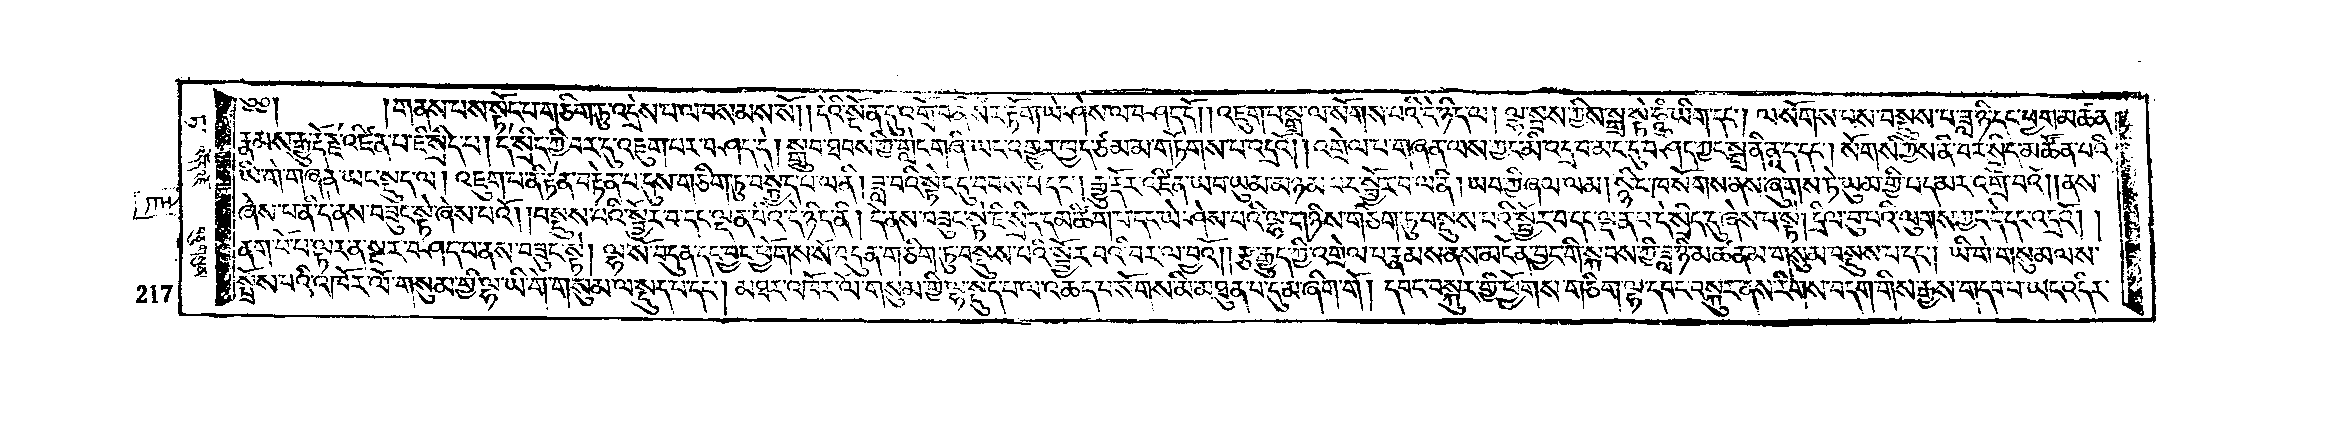༄༅། །གནས་པས་སྟོང་པ་གཅིག་ཏུ་འདྲེས་པ་ལ་བསམས་སོ། །དེའི་སྔོན་དུ་འགྲོ་བ་ནི་སོར་རྟོག་ཡེ་ཤེས་ལ་བཤད་དོ། །འཇུག་པ་སྒྲ་ལ་སོགས་པའི་དེ་ཉིད་ལ། ལྷ་སྦས་ཀྱིས་སྒྲ་སྟེ་ཧཱུཾ་ཡིག་དང་། ལ་སོགས་པས་བསྡུས་པ་ཟླ་ཉི་དང་ཕྱག་མཚན་
རྣམས་རྒྱུ་རྡོ་རྗེ་འཛིན་པ་ཇི་སྲིད་པ། དེ་སྲིད་ཀྱི་བར་དུ་འཇུག་པར་བཤད་དེ། སྒྲུབ་ཐབས་ཀྱི་གླེང་གཞི་ཡང་འགྱུར་ཁྱད་ཙམ་མ་གཏོགས་པ་འདྲའོ། །འགྲེལ་པ་གཞན་ལས་ཀྱང་མི་འདྲ་བ་མང་དུ་ཀྱང་སྒྲ་ནི་ནཱ་དང་། སོགས་ཀྱི་ནི་བར་སྲིད་མཚོན་པའི་
ཡི་གེ་གཞན་ཡང་སྡུད་ལ། འཇུག་པ་ནི་རྟེན་བརྟེན་པ་དུས་གཅིག་ཏུ་བསྐྱེད་པ་ལ་ནི། ཟླ་བའི་སྟེང་དུ་བབས་པ་དང་། རྒྱུ་རྡོར་འཛིན་ཡབ་ཡུམ་མཉམ་པར་སྦྱོར་བ་ལ་ནི། ཡབ་ཀྱི་ཞལ་ལམ། སྙིང་ཁ་སོགས་ནས་ཞུགས་ཏེ་ཡུམ་གྱི་པད་མར་འགྲོ་བའོ། །ནས་
ཞེས་པ་ནི་དེ་ནས་བཟུང་སྟེ་ཞེས་པའོ། །བསྡུས་པའི་སྦྱོར་བ་དང་ལྡན་པའི་དེ་ཉིད་ནི། དེ་ནས་བཟུང་སྟེ་ཇི་སྲིད་དམ་ཚིག་པ་དང་ཡེ་ཤེས་པའི་ལྷ་གཉིས་གཅིག་ཏུ་བསྡུས་པའི་སྦྱོར་བ་དང་ལྡན་པ་དེ་སྲིད་དུ་ཞེས་པ་སྟེ། དྲིལ་བུ་པའི་ལུགས་ཀྱང་དེ་དང་འདྲའོ། །
ནག་པོ་པ་ལྟར་ན་སྔར་བཤད་པ་ནས་བཟུང་སྟེ། ལྷ་སོ་བདུན་དང་བྱང་ཕྱོགས་སོ་བདུན་གཅིག་ཏུ་བསྡུས་པའི་སྦྱོར་བའི་བར་ལ་བྱའོ། །རྩ་རྒྱུད་ཀྱི་འགྲེལ་པ་རྣམས་ནས་མངོན་བྱང་གི་སྐབས་ཀྱི་ཟླ་ཉི་མཚན་མ་གསུམ་བསྡུས་པ་དང་། ཡི་གེ་གསུམ་ལས་
སྤྲོས་པའི་འཁོར་ལོ་གསུམ་གྱི་ལྷ་ཡི་གེ་གསུམ་ལ་སྡུད་པ་དང་། མཐར་འཁོར་ལོ་གསུམ་གྱི་ལྷ་སྡུད་པ་ལ་འཆད་པ་སོགས་མི་མཐུན་པ་དུ་མ་ཞིག་གོ། དབང་བསྐུར་གྱི་ཕྱོགས་གཅིག་ལྷ་དབང་བསྐུར་ནས་རིགས་བདག་གིས་རྒྱས་བདབ་པ་ཡང་འདིར་